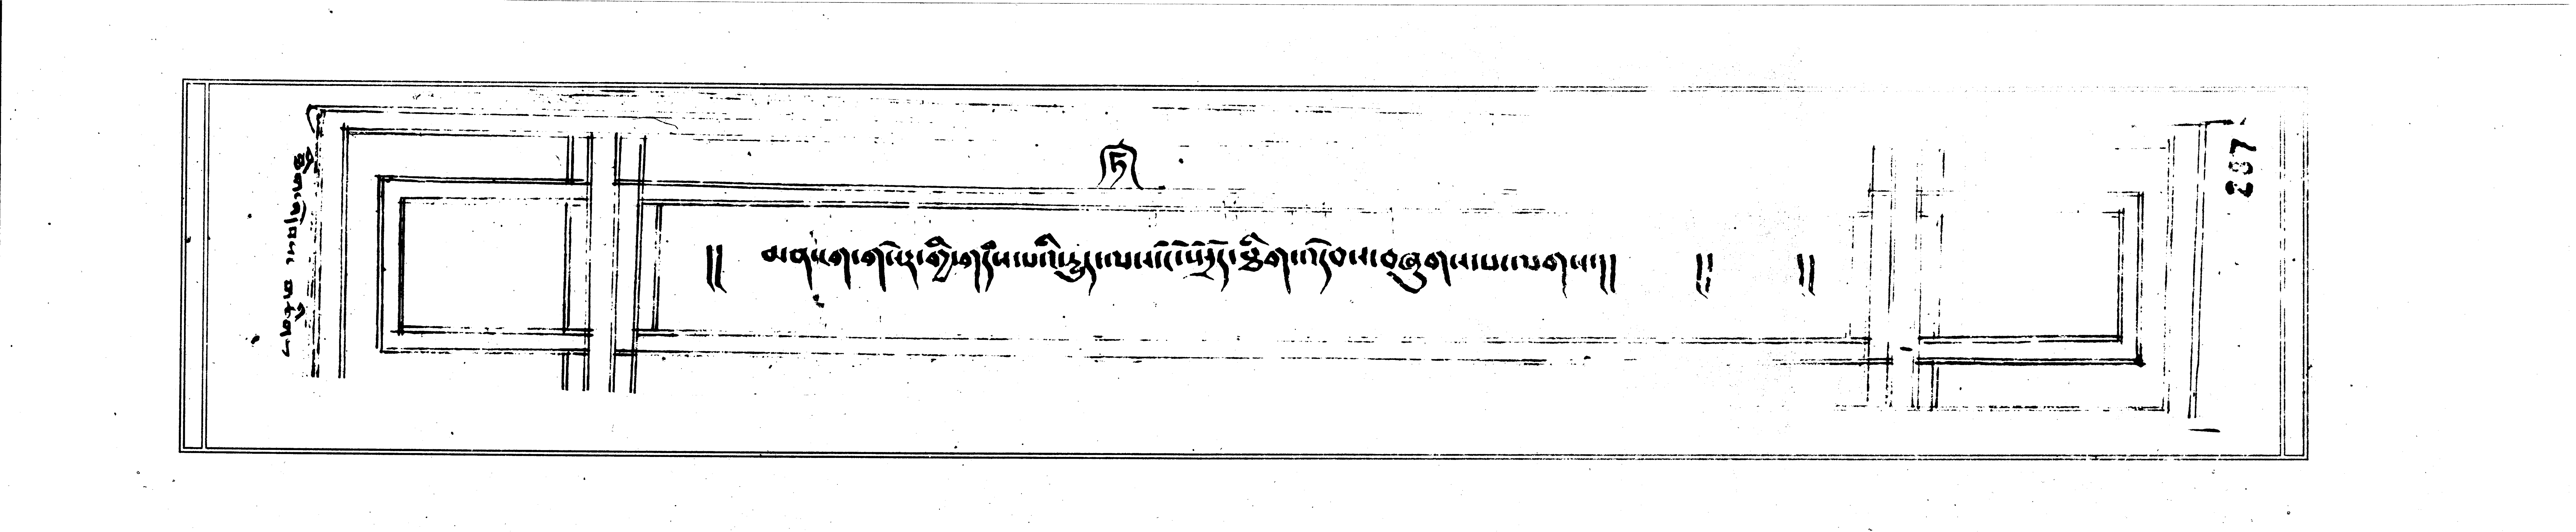༼ཏ༽།། མན་ངག་གསེར་གྱི་གདམས་པའི་རྒྱུད་ལས་ངོ་སྤྲོད་ཐིག་འདེབས་བཞུགས་པ་ལགས།།